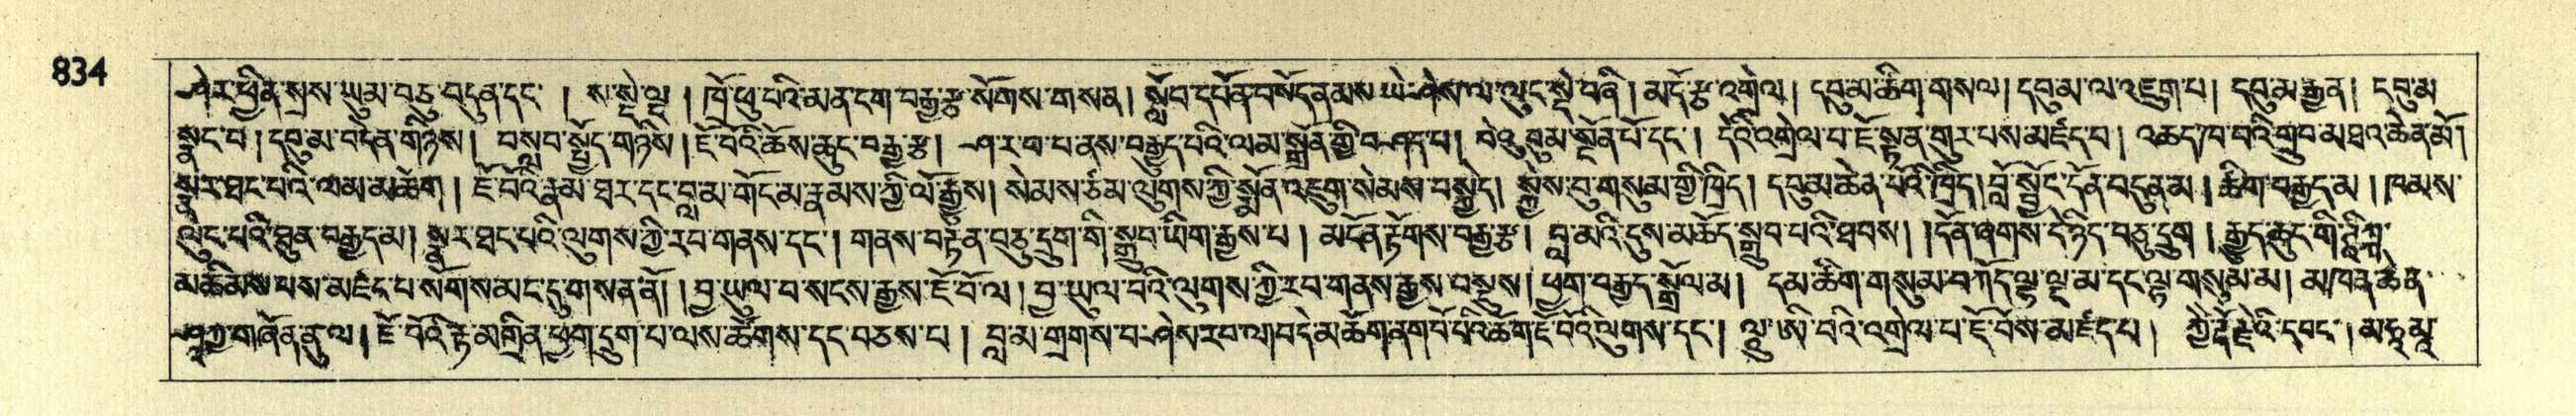ཤེར་ཕྱིན་སྲས་ཡུམ་བཅུ་བདུན་དང་། ས་སྡེ་ལྔ། ཁྲོ་ཕུ་བའི་མན་ངག་བརྒྱ་རྩ་སོགས་གསན། སློབ་དཔོན་བསོད་ནམས་ཡེ་ཤེས་ལ་ལུང་སྡེ་བཞི། མདོ་རྩ་འགྲེལ། དབུ་མ་ཚིག་གསལ། དབུ་མ་ལ་འཇུག་པ། དབུ་མ་རྒྱན། དབུ་མ་
སྣང་བ། དབུ་མ་བདེན་གཉིས། བསླབ་སྤྱོད་གཉིས། ཇོ་བོའི་ཆོས་ཆུང་བརྒྱ་རྩ། ཤ་ར་བ་པ་ནས་བརྒྱུད་པའི་ལམ་སྒྲོན་གྱི་བཤད་པ། བེའུ་བུམ་སྔོན་པོ་དང་། དེའི་འགྲེལ་བ་ཇོ་སྟན་གུར་པས་མཛད་བ། འཆད་ཁ་བའི་གྲུབ་མཐའ་ཆེན་མོ།
སྣར་ཐང་པའི་ལམ་མཆོག། ཇོ་བོའི་རྣམ་ཐར་དང་བླ་མ་གོང་མ་རྣམས་ཀྱི་ལོ་རྒྱུས། སེམས་ཙམ་ལུགས་ཀྱི་སྨོན་འཇུག་སེམས་བསྐྱེད། སྐྱེས་བུ་གསུམ་གྱི་ཁྲིད། དབུ་མ་ཆེན་པོའི་ཁྲིད། བློ་སྦྱོང་དོན་བདུན་མ། ཚིག་བརྒྱད་མ། ཁམས་
ལུང་པའི་ཐུན་བརྒྱད་མ། སྣར་ཐང་པའི་ལུགས་ཀྱི་རབ་གནས་དང་། གནས་བརྟན་བཅུ་དྲུག་གི་སྒྲུབ་ཡིག་རྒྱས་པ། མངོན་རྟོགས་བརྒྱ་རྩ། བླ་མའི་དུས་མཆོད་སྒྲུབ་པའི་ཐབས། །དོན་ཞགས་དེ་ཉིད་བཅུ་དྲུག །རྒྱུད་ཆུང་གི་ཊཱིཀྐ་
མཆིམས་པས་མཛད་པ་སོགས་མང་དུ་གསན་ནོ། །བྱ་ཡུལ་བ་སངས་རྒྱས་ཇོ་བོ་ལ། བྱ་ཡུལ་བའི་ལུགས་ཀྱི་རབ་གནས་རྒྱས་བསྡུས། ཕྱག་བརྒྱད་སྒྲོལ་མ། དམ་ཚིག་གསུམ་བཀོད་ལྷ་ལྔ་མ་དང་ལྷ་གསུམ་མ། མཁན་ཆེན་
ཤཱཀྱ་གཞོན་ནུ་ལ། ཇོ་བོའི་རྟ་མགྲིན་ཕྱག་དྲུག་པ་ལས་ཚོགས་དང་བཅས་པ། བླ་མ་གྲགས་བ་ཤེས་རབ་ལ། བདེ་མཆོག་ནག་པོ་པའི་ཆོ་ག་ཇོ་བོའི་ལུགས་དང་། ལཱུ་ཨི་བའི་འགྲེལ་པ་ཇོ་བོས་མཛད་པ། ཀྱཻ་རྡོ་རྗེའི་དབང་། མཧཱ་མཱ་